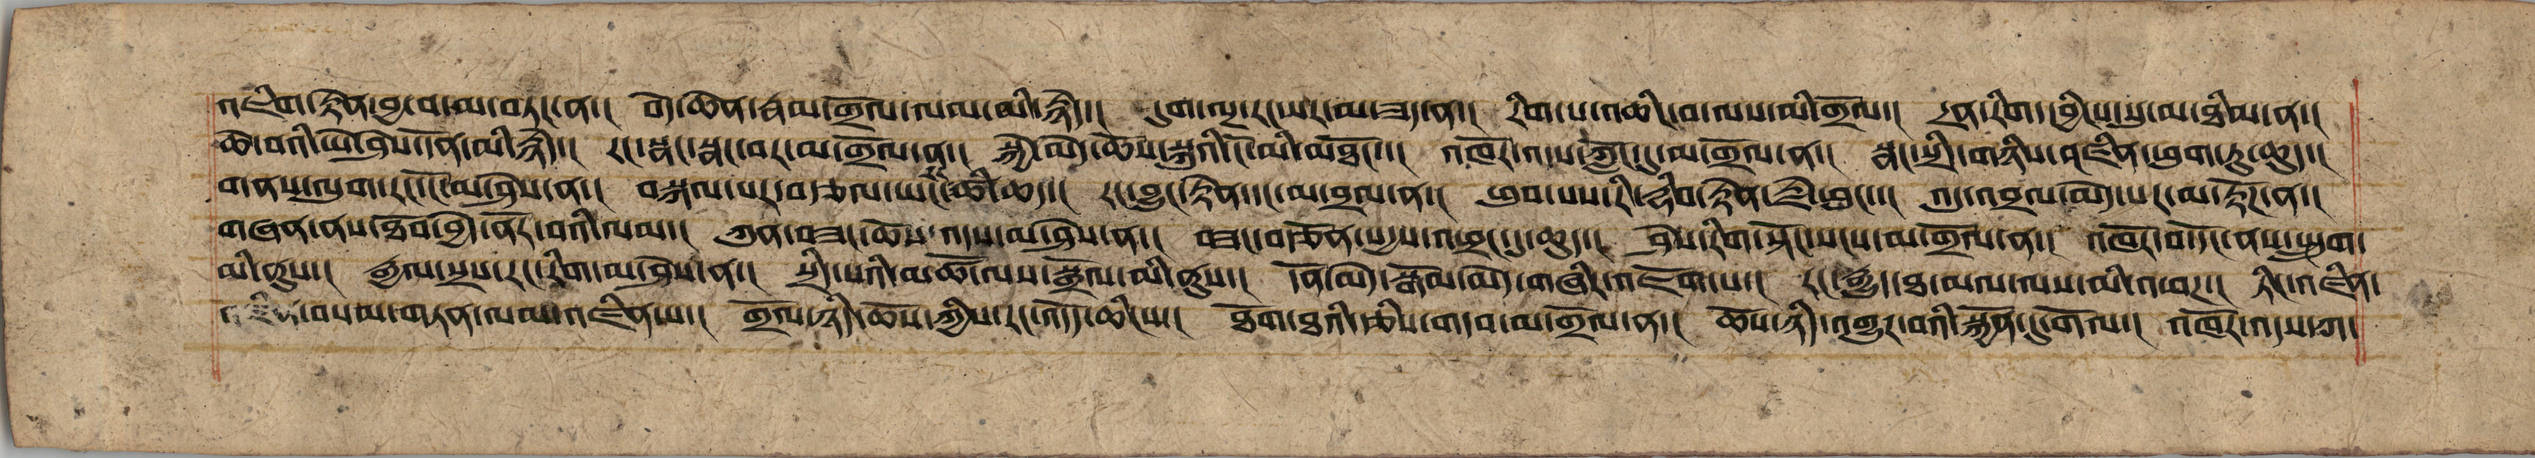འཇིག་རྟེན་བྱ་བ་མ་བཏང་ན་། བདེ་ཆེན་རྣམ་གྲོལ་ལམ་མི་རྙེད་། དུག་ལྔ་རང་སར་མ་ཟད་ན་། རིག་པ་འཆིང་བ་ལས་མི་གྲོལ་། དྲན་རིག་དབྱིངས་སུ་མ་ཐིམ་ན་།
ཆེ་བའི་ཡེ་ཤེས་དོན་མི་རྙེད་། རང་སྣང་སྣང་བར་མ་གྲོལ་ན་། སྐྱེ་མེད་ཆོས་སྐུའི་ངོ་མི་མཐོང་་། འཁོར་འདས་ཀློང་དུ་མ་གྲོལ་ན་། སྣང་སྲིད་གཉིས་འཛིན་ཕུག་ཏུ་ཆུད་།
གནས་ལུག་རང་ངོ་མ་ཤེས་ན་། བསྐལ་པར་བརྩལ་ཡང་རང་ཚི་ཆད་། རང་བྱུང་རྟེན་དང་མ་བྲམ་ན་། ཕུབ་པས་རི་རྡིབ་རྟེན་རྗེ་ཐང་་། འདུ་འབྲལ་མེད་པར་མ་རྟོཌ་ན་།
གཞན་ནས་ཐོབ་བྱེད་ནོར་བའི་ལམ་། ཀུན་བཟང་ཆོས་འདུས་མ་ཤེས་ན་། བཟང་བརྩོན་སདྱས་འཕྲང་དུ་ཆུད་། ཤེས་རིག་སྟོང་སངས་མ་གྲོལ་ན་། འཁོར་བ་དོང་ནས་སྤྲུག་
མི་ནུས་། རྒྱལ་སྲས་རང་རིག་མ་ཤེས་ན་། སྲིད་པའི་མཚོ་ལས་སྒྲོལ་མི་ནུས་། དོན་མེད་སྒོམ་མེད་གཞིར་འཇོག་པ་། རང་རྒྱུད་ཐ་མལ་ལས་མི་འཕཌ་། ཏིང་འཛིན་
འཛིན་བསམ་གཏན་ལམ་འཛིན་པ་། གྲོལ་ཉིད་ཆོས་ཀྱིས་རང་འདོད་ཆིངས་། ཐོག་ཐའི་རྩིས་གདབ་མ་གྲོལ་ན་། ཆོས་ཉིད་འགྱུར་བའི་སྐྱོན་དུ་གོལ་། འཁོར་འདས་ཀ་